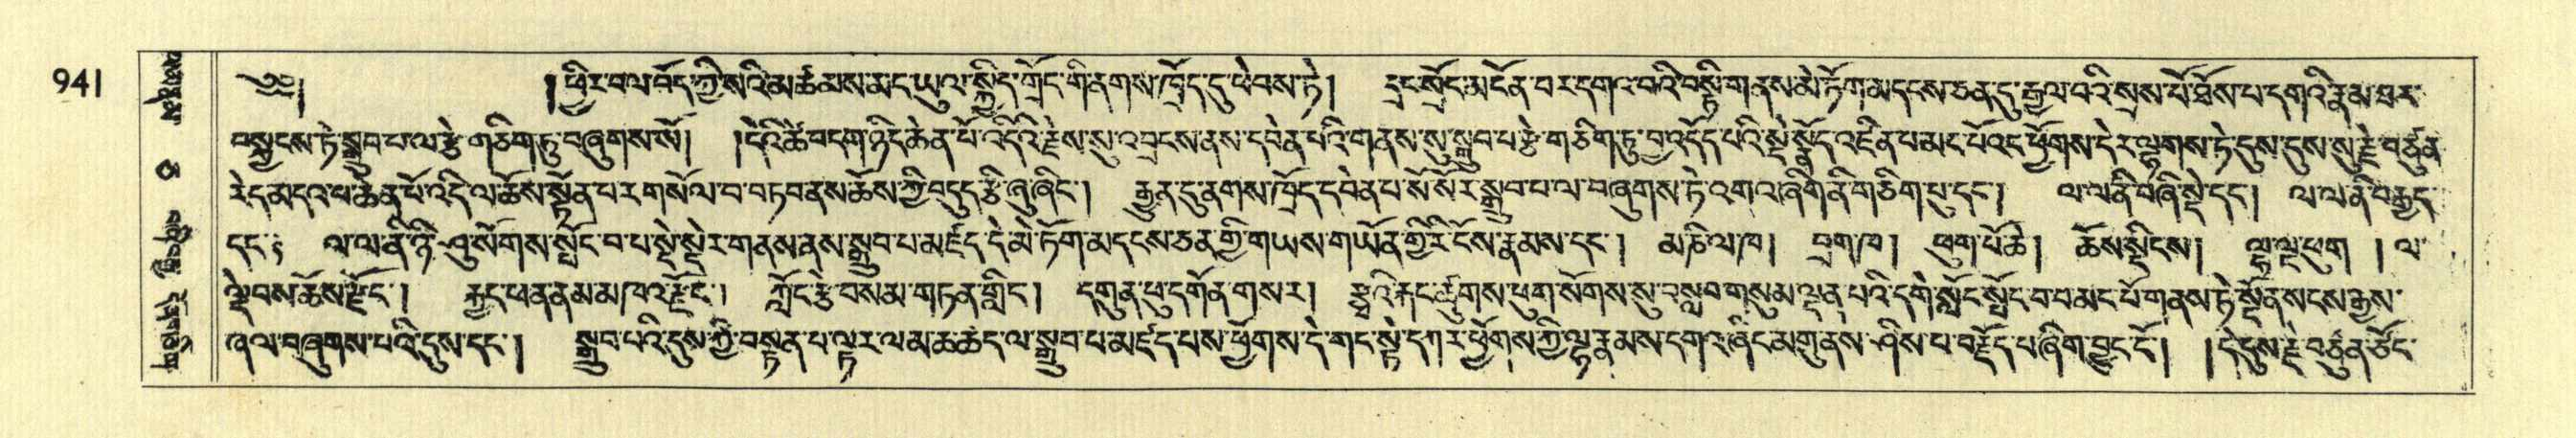༄༅། །ཕྱིར་བླ་བོད་ཀྱི་སའི་མཚམས་མང་ཡུལ་སྐྱིད་གྲོང་གི་ནགས་ཁྲོད་དུ་ཕེབས་ཏེ། དྲང་སྲོང་མངོན་བར་དགའ་བའི་བསྟི་གནས་མེ་ཏོག་མདངས་ཅན་དུ་རྒྱལ་བའི་སྲས་པོ་ཐོས་པ་དགའི་རྣམ་ཐར་
བསྐྱངས་ཏེ་སྒྲུབ་པ་ལ་རྩེ་གཅིག་ཏུ་བཞུགས་སོ། །དེའི་ཚེ་བདག་ཉིད་ཆེན་པོ་འདིའི་རྗེས་སུ་འབྲངས་ནས་དབེན་པའི་གནས་སུ་སྒྲུབ་པ་རྩེ་གཅིག་ཏུ་བྱ་འདོད་པའི་སྡེ་སྣོད་འཛིན་པ་མང་པོའང་ཕྱོགས་དེར་ལྷགས་ཏེ་དུས་དུས་སུ་རྗེ་བཙུན་
རེད་མདའ་པ་ཆེན་པོ་འདི་ལ་ཆོས་སྟོན་པར་གསོལ་བ་བཏབ་ནས་ཆོས་ཀྱི་བདུད་རྩི་ཞུ་ཞིང་། རྒྱུན་དུ་ནགས་ཁྲོད་དབེན་པ་སོ་སོར་སྒྲུབ་པ་ལ་བཞུགས་ཏེ་འགའ་ཞིག་ནི་གཅིག་པུ་དང་། ལ་ལ་ནི་བཞི་སྡེ་དང་། ལ་ལ་ནི་བརྒྱད་
དང༑ ལ་ལ་ནི་ཉི་ཤུ་སོགས་སྤོང་བ་པ་སྡེ་སྡེར་གནས་ནས་སྒྲུབ་པ་མཛད་དེ་མེ་ཏོག་མདངས་ཅན་གྱི་གཡས་གཡོན་གྱི་རི་ངོས་རྣམས་དང་། མ་ཎི་ལ་ཁ། བྲག་ཁ། ཕུག་པོ་ཆེ། ཆོས་སྡིངས། ལྷ་ལྔ་ཕུག །ལ་
ལྡེབས་ཆོས་རྫོང་། རྐྱང་ཕན་ནམ་མཁའ་རྫོང་། ཀློང་རྩེ་བསམ་གཏན་གླིང་། དགུན་ཕུ་དགོན་གསར། རྩྭའི་རྐང་ཚུགས་ཕུག་སོགས་སུ་བསླབ་གསུམ་ལྡན་པའི་དགེ་སློང་སྤོང་བ་བ་མང་པོ་གནས་ཏེ་སྔོན་སངས་རྒྱས་
ཞལ་བཞུགས་པའི་དུས་དང་། སྒྲུབ་པའི་དུས་ཀྱི་བསྟན་པ་ལྟར་ལམ་ཆ་ཚད་ལ་སྒྲུབ་པ་མཛད་པས་ཕྱོགས་དེ་གང་སྟེ་དཀར་ཕྱོགས་ཀྱི་ལྷ་རྣམས་དགའ་ཞིང་མགུ་ནས་ཤིས་པ་བརྗོད་པ་ཞིག་བྱུང་ངོ། །དེ་དུས་རྗེ་བཙུན་ཙོང་